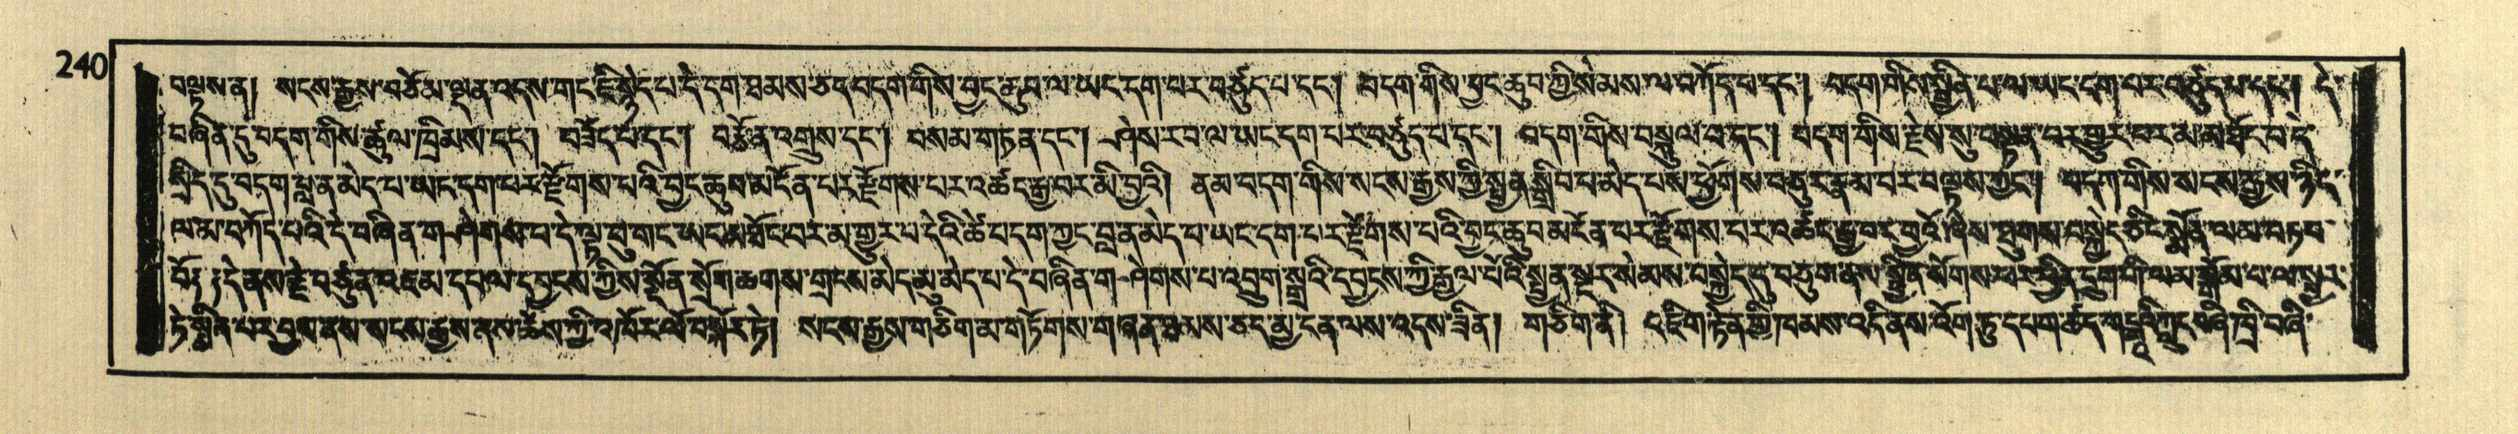བལྟས་ན། སངས་རྒྱས་བཅོམ་ལྡན་འདས་གང་ཇི་སྙེད་པ་དེདག་ཐམས་ཅད་བདག་གིས་བྱང་ཆུབ་ལ་ཡང་དག་པར་བཙུད་པ་དང་། བདག་གིས་བྱང་ཆུབ་ཀྱི་སེམས་ལ་བཀོད་པ་དང་། བདག་གིས་སྦྱིན་པ་ལ་ཡང་དག་པར་བཙུད་པ་དང་། དེ་
བཞིན་དུ་བདག་གིས་ཚུལ་ཁྲིམས་དང་། བཟོད་པ་དང་། བརྩོན་འགྲུས་དང་། བསམ་གཏན་དང་། ཤེས་རབ་ལ་ཡང་དག་པར་བཙུད་པ་དང་། བདག་གིས་བསྐུལ་བ་དང་། བདག་གིས་རྗེས་སུ་བསྟན་བར་གྱུར་པར་མ་མཐོང་བ་དེ་
སྲིད་དུ་བདག་བླ་ན་མེད་པ་ཡང་དག་པར་རྫོགས་པའི་བྱང་ཆུབ་མངོན་པར་རྫོགས་པར་འཚང་རྒྱ་བར་མི་བྱའི། ནམ་བདག་གིས་སངས་རྒྱས་ཀྱི་སྤྱན་སྒྲིབ་པ་མེད་པས་ཕྱོགས་བཅུར་རྣམ་པར་བལྟས་ཀྱང་། བདག་གིས་སངས་རྒྱས་ཉིད་
ལ་མ་བཀོད་པའི་དེ་བཞིན་གཤེགས་པ་དེ་ལྟ་བུ་གང་ཡང་མཐོང་བར་མ་གྱུར་པ་དེའི་ཚེ་བདག་ཀྱང་བླ་ན་མེད་པ་ཡང་དག་པར་རྫོགས་པའི་བྱང་ཆུབ་མངོན་པར་རྫོགས་པར་འཚང་རྒྱ་བར་བྱའོ་ཞེས་ཐུགས་བསྐྱེད་ཅིང་སྨོན་ལམ་བཏབ་
བོ༑ ༑དེ་ནས་རྗེ་བཙུན་འཇམ་དཔལ་དབྱངས་ཀྱིས་སྔོན་སྲོག་ཆགས་གྲངས་མེད་མུ་མེད་པ་དེ་བཞིན་གཤེགས་པ་འབྲུག་སྒྲའི་དབྱངས་ཀྱི་རྒྱལ་པོའི་སྤྱན་སྔར་སེམས་བསྐྱེད་དུ་བཅུག་ནས་སྦྱིན་སོགས་ཕར་ཕྱིན་དྲུག་གི་ལམ་སྒོམ་པ་ལ་སྦྱར་
ཏེ་སྨིན་པར་བྱས་ནས་སངས་རྒྱས་ནས་ཆོས་ཀྱི་འཁོར་ལོ་བསྐོར་ཏེ། སངས་རྒྱས་གཅིག་མ་གཏོགས་གཞན་ཐམས་ཅད་མྱ་ངན་ལས་འདས་ཟིན། གཅིག་ནི། འཇིག་རྟེན་གྱི་ཁམས་འདི་ནས་འོག་ཏུ་དཔག་ཚད་གངྒཱའི་ཀླུང་བཞི་ཁྲི་བཞི་